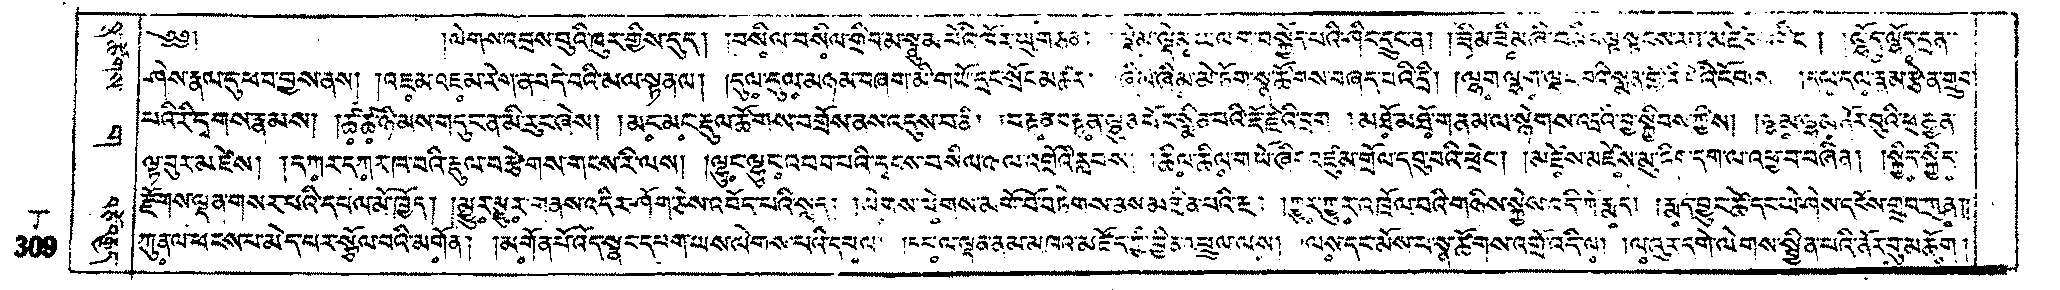༄༅། །ལེགས་འབྲས་བུའི་ཁུར་གྱིས་དུད། །བསིལ྾་བསིལ྾་གྲིབ་མ་སྣུམ་པོའི་ཁོར་ཡུག་ཅན། །ལྡེམ྾་ལྡེམ྾་ཡལ་ག་བསྐྱོད་པའི་ཤིང་དྲུང་ན། །ཟིམ་ཟིམ་ཞི་བའི་བལྟ་སངས་རབ་མཛེས་ཤིང་། །ལྷོད྾་ལྷོད྾་དྲན་་་
ཤེས་རྣལ་དུ་ཕབ་བྱས་ནས། །འཇམ྾་འཇམ྾་རེག་ན་བདེ་བའི་མལ་སྟན་ལ། །དུལ྾་དུལ྾་མཉམ་བཞག་མི་གཡོ་དྲང་སྲོང་མཚར། །ཞིམ྾་ཞིམ྾་མེ་ཏོག་སྣ་ཚོགས་བཞད་པའི་དྲི། །ལྷག྾་ལྷག྾་ལྡང་བའི་སྨན་གྱི་རི་བོའི་དོགས། །དལ྾་དལ྾་རྣམ་རྩེན་གྲུབ་
པའི་རི་དྭགས་རྣམས། །ཚ྾་ཚ྾་ཉི་མས་གདུང་ན་མི་རུང་ཞེས། །མང྾་མང྾་རྡུལ་ཚོགས་བགྲོས་ནས་འདུས་པ་ནི། །བརྟན྾་བརྟན྾་ལྷུན་པོར་སྨིན་པའི་རྡོ་རྗེའི་བྲག །མཐོ྾་མཐོ྾་གནམ་ལ་སྙེགས་འདྲའི་བྱ་སྐྱིབས་ཀྱིས། །ལྷམ྾་ལྷམ྾་ནོར་བུའི་ཕྲ་རྒྱན་
ལྟ་བུར་མཛེས། །དཀར྾་དཀར྾་ཁ་བའི་རྡུལ་བརྩེགས་གངས་རི་ལས། །ལྷུང྾་ལྷུང྾་འབབ་པའི་དྭངས་བསིལ་ཉལ་འགྲོའི་རླབས། །ཆིལ྾་ཆིལ྾་གཡོ་ཞིང་འཛུམ་གྲོལ་དབུ་བའི་ཕྲེང་། །མཛེས྾་མཛེས྾་མུ་ཏིག་དག་ལ་འཕྱ་བ་བཞིན། །སྐྱིད྾་སྐྱིད྾་
རྫོགས་ལྡན་གསར་པའི་དཔལ་མོ་ཁྱོད། །མྱུར྾་མྱུར྾་གནས་འདིར་ཤོག་ཅེས་འབོད་པའི་སླད། །ལེགས྾་ལེགས྾་མགོ་བོ་བཏེགས་ནས་མགྲིན་པའི་རྔ། །ཀྱུར྾་ཀྱུར྾་འཁྲོལ་བའི་གཉིས་སྐྱེས་འདི་ཀོ་རྨད྾། །རྨད྾་བྱུང་ཚེ་དང་ཡེ་ཤེས་དངོས་གྲུབ་ཀུན྾།།
ཀུན྾་ལ་ཕངས་པ་མེད་པར་སྩོལ་བའི་མགོན྾། །མགོན྾་པོ་འོད་སྣང་དཔག་ཡས་ལེགས་པའི་དཔལ྾། །དཔལ྾་ལྡན་ནམ་མཁའ་མཛོད་ཀྱི་བྱིན་འཕྲུལ་ལས྾། །ལས྾་དང་མོས་པ་སྣ་ཚོགས་འགྲོ་འདི་ལ྾། །ལ྾་འུར་དགེ་ལེགས་སྦྱིན་པའི་ནོར་བུ་མཆོག །